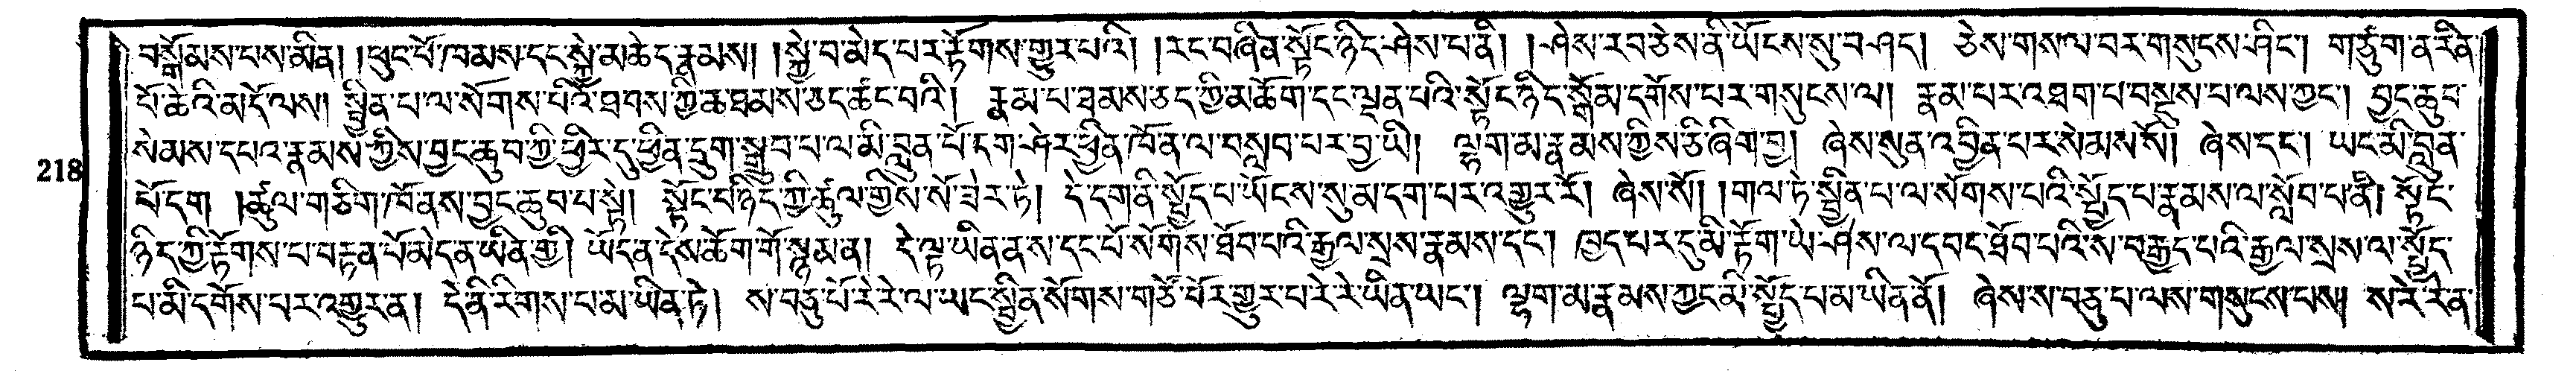བསྒོམས་པས་མིན། །ཕུང་པོ་ཁམས་དང་སྐྱེ་མཆེད་རྣམས། །སྐྱེ་བ་མེད་པར་རྟོགས་གྱུར་པའི། །རང་བཞིན་སྟོང་ཉིད་ཤེས་པ་ནི། །ཤེས་རབ་ཅེས་ནི་ཡོངས་སུ་བཤད། ཅེས་གསལ་བར་གསུངས་ཤིང་། གཙུག་ན་རིན་
པོ་ཆེའི་མདོ་ལས། སྦྱིན་པ་ལ་སོགས་པའི་ཐབས་ཀྱི་ཆ་ཐམས་ཅད་ཚང་བའི། རྣམ་པ་ཐམས་ཅད་ཀྱི་མཆོག་དང་ལྡན་པའི་སྟོང་ཉིད་སྒོམ་དགོས་པར་གསུངས་ལ། རྣམ་པར་འཐག་པ་བསྡུས་པ་ལས་ཀྱང་། བྱང་ཆུབ་
སེམས་དཔའ་རྣམས་ཀྱིས་བྱང་ཆུབ་ཀྱི་ཕྱིར་དུ་ཕྱིན་དྲུག་སྒྲུབ་པ་ལ་མི་བླུན་པོ་དག་ཤེར་ཕྱིན་ཁོ་ན་ལ་བསླབ་པར་བྱ་ཡི། ལྷག་མ་རྣམས་ཀྱིས་ཅི་ཞིག་བྱ། ཞེས་སུན་འབྱིན་པར་སེམས་སོ། ཞེས་དང་། ཡང་མི་བླུན་
པོ་དག །ཚུལ་གཅིག་ཁོ་ནས་བྱང་ཆུབ་པ་སྟེ། སྟོང་བ་ཉིད་ཀྱི་ཚུལ་གྱིས་སོ་ཟེར་ཏེ། དེ་དག་ནི་སྤྱོད་པ་ཡོངས་སུ་མ་དག་པར་འགྱུར་རོ། ཞེས་སོ། །གལ་ཏེ་སྦྱིན་པ་ལ་སོགས་པའི་སྤྱོད་པ་རྣམས་ལ་སློབ་པ་ནི། སྟོང་
ཉིད་ཀྱི་རྟོགས་པ་བརྟན་པོ་མེད་ན་ཡིན་གྱི། ཡོད་ན་དེས་ཆོག་གོ་སྙམ་ན། དེ་ལྟ་ཡིན་ནས་དང་པོ་སོགས་ཐོབ་པའི་རྒྱལ་སྲས་རྣམས་དང་། ཁྱད་པར་དུ་མི་རྟོག་ཡེ་ཤེས་ལ་དབང་ཐོབ་པའི་ས་བརྒྱད་པའི་རྒྱལ་སྲས་ལ་སྤྱོད་
པ་མི་དགོས་པར་འགྱུར་ན། དེ་ནི་རིགས་པ་མ་ཡིན་ཏེ། ས་བཅུ་པོ་རེ་རེ་ལ་ཡང་སྦྱིན་སོགས་གཙོ་པོར་གྱུར་པ་རེ་རེ་ཡིན་ཡང་། ལྷག་མ་རྣམས་ཀྱང་མི་སྤྱོད་པ་མ་ཡིན་ནོ། ཞེས་ས་བཅུ་པ་ལས་གསུངས་པས། ས་རེ་རེ་ན་